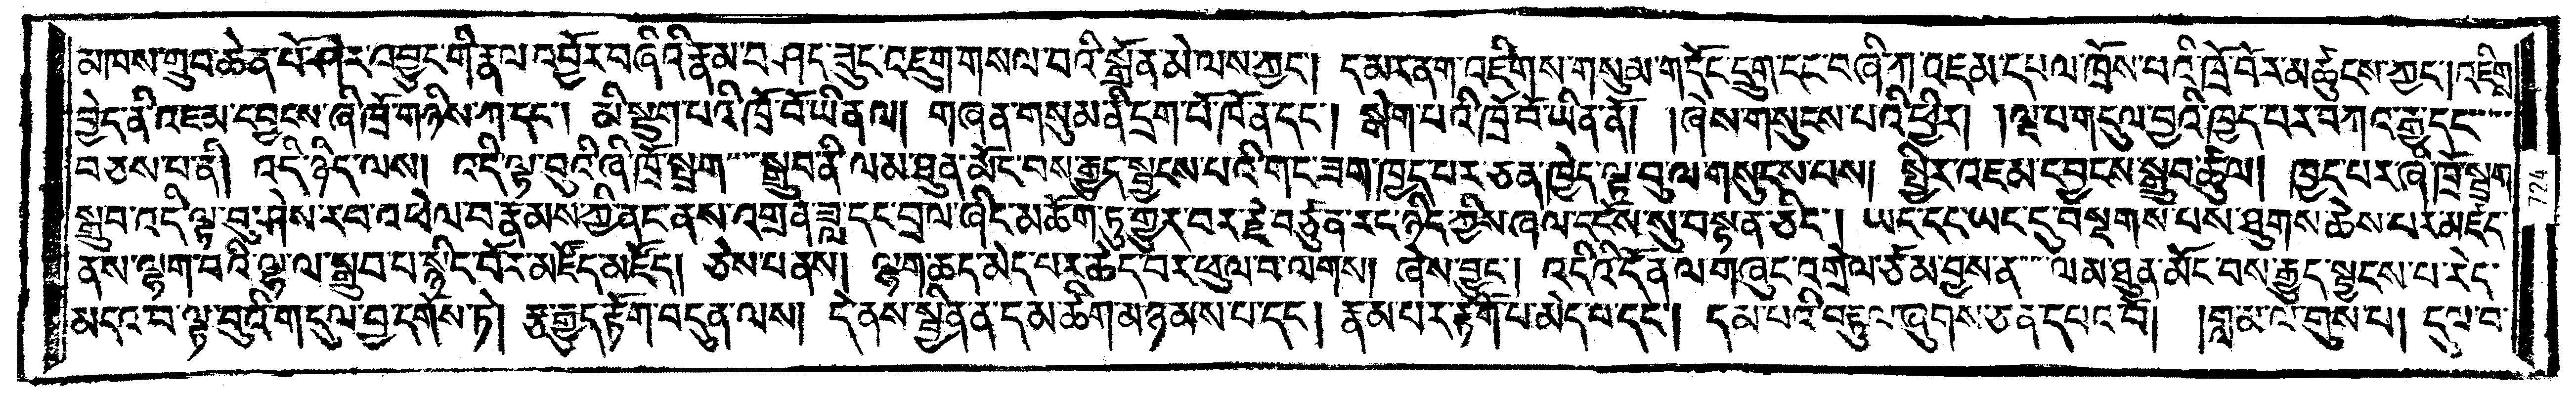མཁས་གྲུབ་ཆེན་པོ་ཤེར་འབྱུང་གི་རྣལ་འབྱོར་བཞིའི་རྣམ་བཤད་ཟུང་འཇུག་གསལ་བའི་སྒྲོན་མེ་ལས་ཀྱང་། དམར་ནག་འཇིགས་གསུམ་གདོང་དྲུག་དང་བཞི་ཀ་འཇམ་དཔལ་ཁྲོས་པའི་ཁྲོ་བོར་མཚུངས་ཀྱང་། འཇིགས་
བྱེད་ནི་འཇམ་དབྱངས་ཞི་ཁྲོ་གཉིས་ཀ་དང་། མི་སྡུག་པའི་ཁྲོ་བོ་ཡིན་ལ། གཞན་གསུམ་ནི་དྲག་པོ་ཁོ་ན་དང་། སྒེག་པའི་ཁྲོ་བོ་ཡིན་ནོ། །ཞེས་གསུངས་པའི་ཕྱིར། །ལྔ་པ་གདུལ་བྱའི་ཁྱད་པར་བཀའ་རྒྱ་དང་
བཅས་པ་ནི། འདི་ཉིད་ལས། འདི་ལྟ་བུའི་ཞི་ཁྲོ་སྦྲག་སྒྲུབ་ནི་ལམ་ཐུན་མོང་པས་རྒྱུད་སྦྱངས་པའི་གང་ཟག་ཁྱད་པར་ཅན་ཁྱེད་ལྟ་བུ་ལ་གསུངས་པས། སྤྱིར་འཇམ་དབྱངས་སྒྲུབ་ཚུལ། ཁྱད་པར་ཞི་ཁྲོ་སྦྲག་
སྒྲུབ་འདི་ལྟ་བུ་ཤེས་རབ་འཕེལ་བ་རྣམས་ཀྱི་ནང་ནས་འགྲན་ཟླ་དང་བྲལ་ཞིང་མཆོག་ཏུ་གྱུར་བར་རྗེ་བཙུན་རང་ཉིད་ཀྱིས་ཞལ་དངོས་སུ་བསྟན་ཅིང་། ཡང་དང་ཡང་དུ་བསྔགས་པས་ཐུགས་ཆེས་པར་མཛད་
ནས་ལྷག་པའི་ལྷ་ལ་སྒྲུབ་པ་སྙིང་པོར་མཛོད་མཛོད། ཅེས་པ་ནས། ལྷག་ཆད་མེད་པར་ཆེད་པར་ཕུལ་བ་ལགས། ཞེས་བྱུང་། འདིའི་དོན་ལ་གཞུང་འགྲེལ་ཙམ་བྱས་ན་ལམ་ཐུན་མོང་བས་རྒྱུད་སྦྱངས་པ་རེད་
མངའ་བ་ལྟ་བུའི་གདུལ་བྱ་དགོས་ཏེ། རྩ་རྒྱུད་རྟོག་བདུན་ལས། དེ་ནས་སྦྱིན་ན་དམ་ཚིག་མཉམས་པ་དང་། རྣམ་པར་རྟོག་པ་མེད་པ་དང་། དམ་པའི་བརྟུལ་ཞུགས་ཅན་དཔའ་བོ། །བླ་མ་ལ་གུས་པ། དུལ་བ་